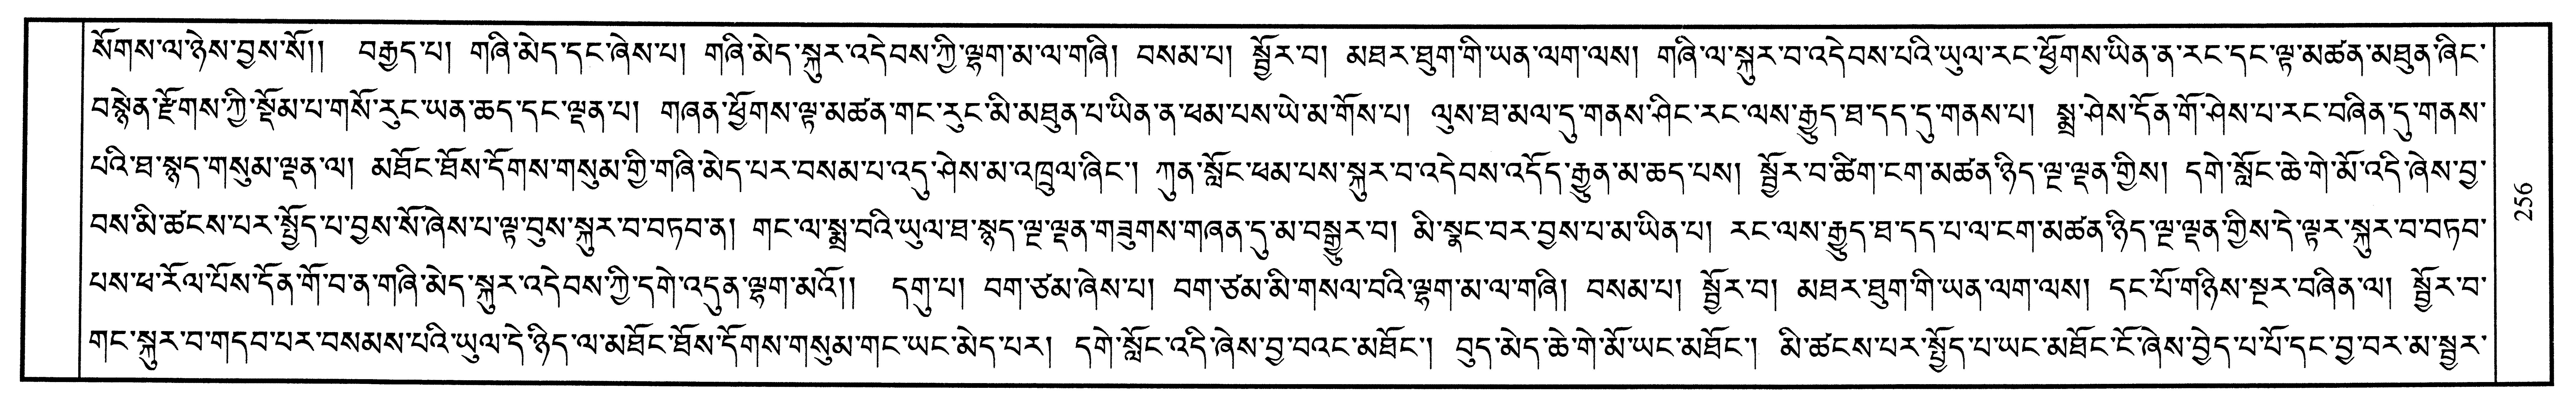སོགས་ལ་ཉེས་བྱས་སོ།། བརྒྱད་པ། གཞི་མེད་དང་ཞེས་པ། གཞི་མེད་སྐུར་འདེབས་ཀྱི་ལྷག་མ་ལ་གཞི། བསམ་པ། སྦྱོར་བ། མཐར་ཐུག་གི་ཡན་ལག་ལས། གཞི་ལ་སྐུར་བ་འདེབས་པའི་ཡུལ་རང་ཕྱོགས་ཡིན་ན་རང་དང་ལྟ་མཚན་མཐུན་ཞིང་
བསྙེན་རྫོགས་ཀྱི་སྡོམ་པ་གསོ་རུང་ཡན་ཆད་དང་ལྡན་པ། གཞན་ཕྱོགས་ལྟ་མཚན་གང་རུང་མི་མཐུན་པ་ཡིན་ན་ཕམ་པས་ཡེ་མ་གོས་པ། ལུས་ཐ་མལ་དུ་གནས་ཤིང་རང་ལས་རྒྱུད་ཐ་དད་དུ་གནས་པ། སྨྲ་ཤེས་དོན་གོ་ཤེས་པ་རང་བཞིན་དུ་གནས་
པའི་ཐ་སྙད་གསུམ་ལྡན་ལ། མཐོང་ཐོས་དོགས་གསུམ་གྱི་གཞི་མེད་པར་བསམ་པ་འདུ་ཤེས་མ་འཁྲུལ་ཞིང་། ཀུན་སློང་ཕམ་པས་སྐུར་བ་འདེབས་འདོད་རྒྱུན་མ་ཆད་པས། སྦྱོར་བ་ཚིག་ངག་མཚན་ཉིད་ལྔ་ལྡན་གྱིས། དགེ་སློང་ཆེ་གེ་མོ་འདི་ཞེས་བྱ་
བས་མི་ཚངས་པར་སྤྱོད་པ་བྱས་སོ་ཞེས་པ་ལྟ་བུས་སྐུར་བ་བཏབ་ན། གང་ལ་སྨྲ་བའི་ཡུལ་ཐ་སྙད་ལྔ་ལྡན་གཟུགས་གཞན་དུ་མ་བསྒྱུར་བ། མི་སྣང་བར་བྱས་པ་མ་ཡིན་པ། རང་ལས་རྒྱུད་ཐ་དད་པ་ལ་ངག་མཚན་ཉིད་ལྔ་ལྡན་གྱིས་དེ་ལྟར་སྐུར་བ་བཏབ་
པས་ཕ་རོལ་པོས་དོན་གོ་བ་ན་གཞི་མེད་སྐུར་འདེབས་ཀྱི་དགེ་འདུན་ལྷག་མའོ།། དགུ་པ། བག་ཙམ་ཞེས་པ། བག་ཙམ་མི་གསལ་བའི་ལྷག་མ་ལ་གཞི། བསམ་པ། སྦྱོར་བ། མཐར་ཐུག་གི་ཡན་ལག་ལས། དང་པོ་གཉིས་སྔར་བཞིན་ལ། སྦྱོར་བ་
གང་སྐུར་བ་གདབ་པར་བསམས་པའི་ཡུལ་དེ་ཉིད་ལ་མཐོང་ཐོས་དོགས་གསུམ་གང་ཡང་མེད་པར། དགེ་སློང་འདི་ཞེས་བྱ་བའང་མཐོང་། བུད་མེད་ཆེ་གེ་མོ་ཡང་མཐོང་། མི་ཚངས་པར་སྤྱོད་པ་ཡང་མཐོང་ངོ་ཞེས་བྱེད་པ་པོ་དང་བྱ་བར་མ་སྦྱར་